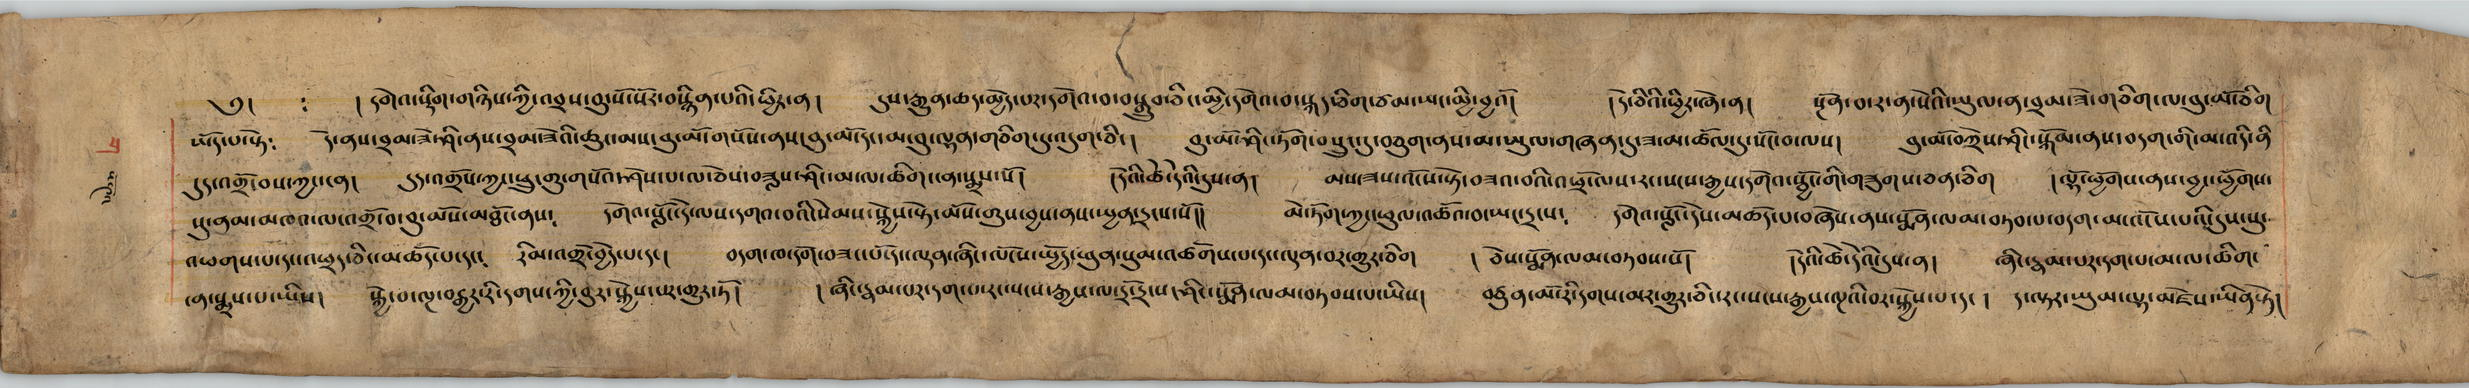། ༴ ། དགེའ་སྡིག་གཉིས་ཀྱི་འབྲས་བུ་སོ་སོར་བསྙིན་པའི་ཕྱིར་ན། དུས་རྒྱུན་ཆད་མྱེད་པར་དགེའ་བ་བསྒྲུབ་ཅིང་མྱི་དགེའ་བ་སྐད་ཅིག་ཙམ་ཡང་མྱི་མྱའོ། །དེ་ཅིའི་ཕྱིར་ཞེ་ན། སྔོན་བ་ར་ན་སེའི་ཡུལ་ན་བྲམ་ཟེ་གཅིག་ལ་བུ་མོ་ཅིག
ཡོད་པ་སྟེ༴ དེ་ནས་བྲམ་ཟེ་ཤི་ནས་བྲམ་ཟེའི་ཆུང་མས་བུ་མོ་གསོས་ནས་བུ་མོ་དང་མ་བུ་ལྷན་གཅིག་དུ་འདུག་ཅིང། བུ་མོ་ཤིང་ཏོག་བསྲུང་དུ་བཅུག་ནས་མ་ཡུལ་གཞན་དུ་ཟ་མ་ཚོལ་དུ་སོང་བ་ལས། བུ་མོ་བཀྲེས་ཤིང་སྐོམ་ནས་བདག་གི་མ་འདི་ནི
དུད་འགྲོ་བས་ཀྱང་ངན། དུད་འགྲོས་ཀྱང་ཕྲུ་གུ་གསོའ་ཤེས་པ་ལ་ཅེས་བཟླས་ཤིང་མ་ལ་ཚིག་ངན་སྨྲས་སོ། །དེའི་ཚེ་དེའི་དུས་ན། མས་ཟས་འོངས་སྟེ་བཟའ་བའི་འཕྲོ་ལས་རང་སངས་རྒྱས་དགེའ་སྦྱོང་གི་གཟུགས་ཅན་ཅིག །ལྷོ་ཕྱོགས་ནས་བྱང་ཕྱོགས་
སུ་ནམ་མཁའ་ལ་འགྲོ་བ་བུ་མོས་མཐོང་ནས༴ དགེའ་སློང་དེ་ལས་དགའ་བའི་སེམས་སྐྱེས་སྟེ་མོས་གུས་བྱས་ནས་སྤྱན་དྲངས་སོ།། མེ་ཏོག་ཀྱང་ཕུལ་འཚོའ་བ་ཡང་དྲངས༴ དགེའ་སློང་དེས་མཆོད་པ་བཞེས་ནས་སྨོན་ལམ་བཏབ་པ་བདག་མ་འོངས་པའི་དུས་སུ་
འཕགས་པ་དང་འཕྲད་ཅིང་མཆོད་པ་དང༴ རིམ་འགྲོ་བྱེད་པ་དང། བདག་ཁ་དགེ་བཟང་པོ་དང་ལྡན་ཞིང་ལོངས་སྤྱོད་ཕུན་སུམ་འཚོགས་པ་དང་ལྡན་བར་གྱུར་ཅིག ། ཅེས་སྨོན་ལམ་བཏབས་སོ། །དེའི་ཚེ་དེའི་དུས་ན། ཞིང་རྣམ་པར་དག་པ་མ་ལ་ཚིག་
ངན་སྨྲས་པ་ཡིས། སྐྱེ་བ་ལྔ་བརྒྱར་རི་དགས་ཀྱི་བུར་སྐྱེས་པར་གྱུར་ཏོ། །ཞིང་རྣམ་པར་དག་པར་སངས་རྒྱས་ལ་དྲ་དྲོ་ས་ཤིང་སྨོན་ལམ་བཏབ་པ་ཡིས། བཙུན་པོ་རི་དགས་མར་གྱུར་ཅིང་རང་སངས་རྒྱས་ལྔའི་བར་སྐྱེས་པ་དང། ད་ལྟར་ཡུམ་ལྷ་མཛེས་ཡིན་སྟེ།